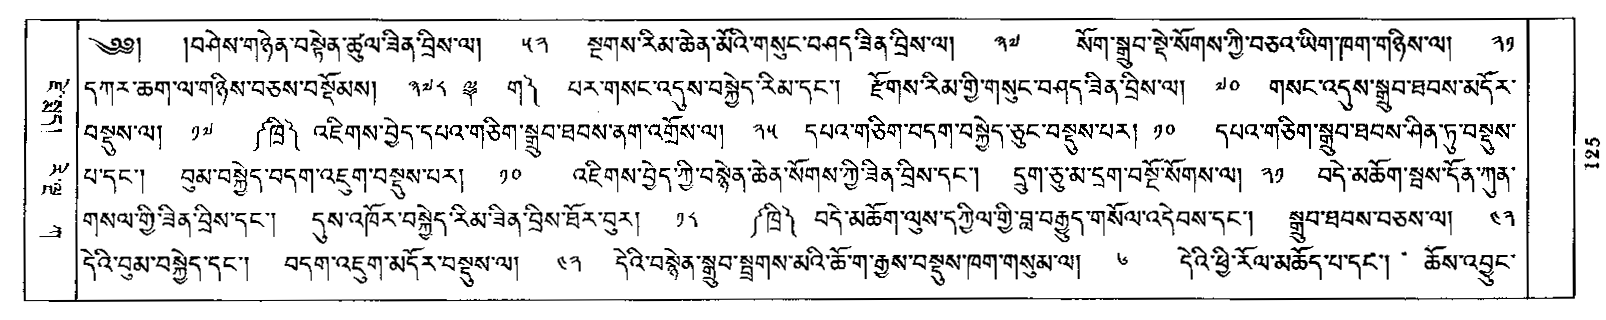༄༅། །བཤེས་གཉེན་བསྟེན་ཚུལ་ཟིན་བྲིས་ལ། ༥༢་སྔགས་རིམ་ཆེན་མོའི་གསུང་བཤད་ཟིན་བྲིས་ལ། ༣༧་སོག་སྒྲུབ་སྡེ་སོགས་ཀྱི་བཅའ་ཡིག་ཁག་གཉིས་ལ། ༢༡
དཀར་ཆག་ལ་གཉིས་བཅས་བསྡོམས། ༣༧༨་༈ ག྄་པར་གསང་འདུས་བསྐྱེད་རིམ་དང་། རྫོགས་རིམ་གྱི་གསུང་བཤད་ཟིན་བྲིས་ལ། ༧༠་གསང་འདུས་སྒྲུབ་ཐབས་མདོར་
བསྡུས་ལ། ༡༧་ཁྲ྄ི་འཇིགས་བྱེད་དཔའ་གཅིག་སྒྲུབ་ཐབས་ནག་འགྲོས་ལ། ༢༥་དཔའ་གཅིག་བདག་བསྐྱེད་ཅུང་བསྡུས་པར། ༡༠་དཔའ་གཅིག་སྒྲུབ་ཐབས་ཤིན་ཏུ་བསྡུས་
པ་དང་། བུམ་བསྐྱེད་བདག་འཇུག་བསྡུས་པར། ༡༠་འཇིགས་བྱེད་ཀྱི་བསྙེན་ཆེན་སོགས་ཀྱི་ཟིན་བྲིས་དང་། དྲུག་ཅུ་མ་དྲག་བསྔོ་སོགས་ལ། ༢༡་བདེ་མཆོག་སྦས་དོན་ཀུན་
གསལ་གྱི་ཟིན་བྲིས་དང་། དུས་འཁོར་བསྐྱེད་རིམ་ཟིན་བྲིས་ཐོར་བུར། ༡༨་ཁྲ྄ི་བདེ་མཆོག་ལུས་དཀྱིལ་གྱི་བླ་བརྒྱུད་གསོལ་འདེབས་དང་། སྒྲུབ་ཐབས་བཅས་ལ། ༤༢
དེའི་བུམ་བསྐྱེད་དང་། བདག་འཇུག་མདོར་བསྡུས་ལ། ༤༢་དེའི་བསྙེན་སྒྲུབ་སྦྲགས་མའི་ཆོ་ག་རྒྱས་བསྡུས་ཁག་གསུམ་ལ། ༦་དེའི་ཕྱི་རོལ་མཆོད་པ་དང་། ཆོས་འབྱུང་